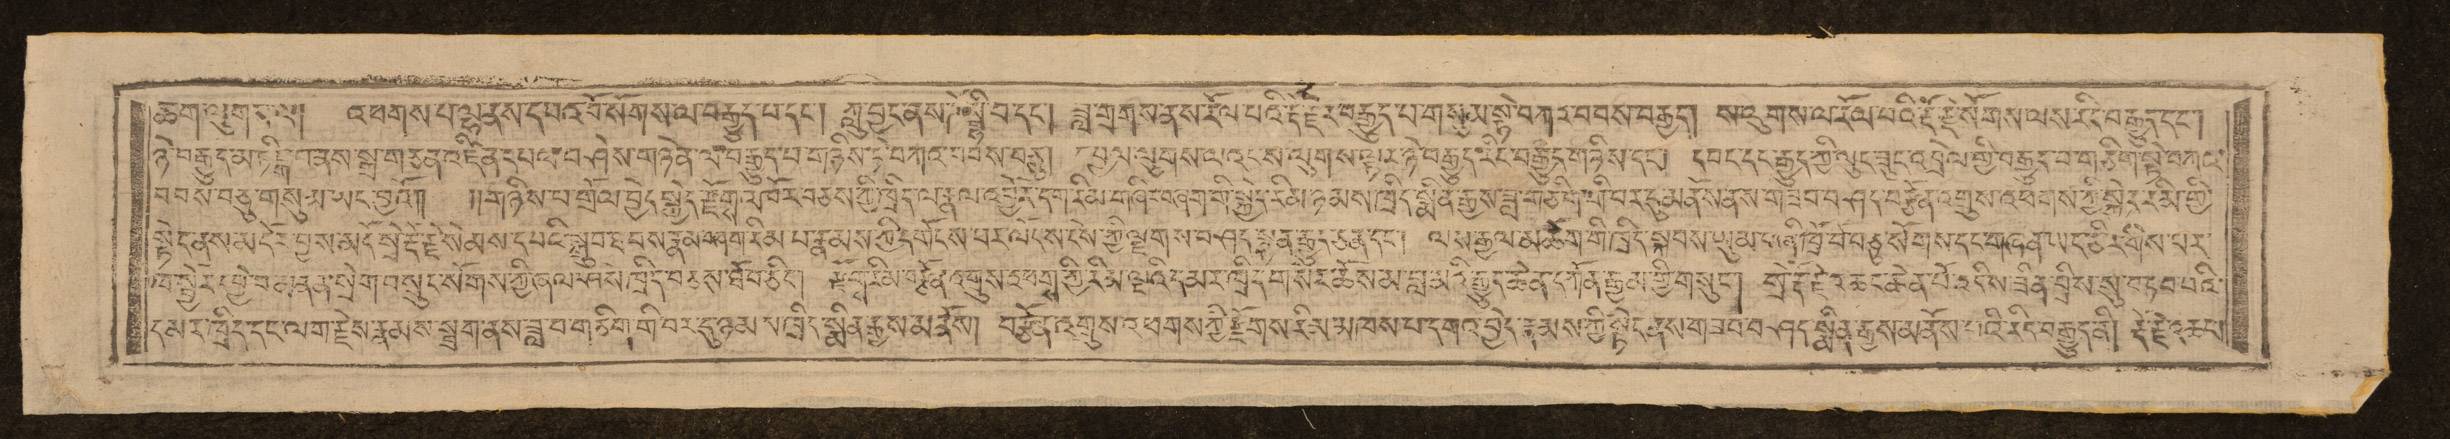ཆག་ལུགས་ལ། འཕགས་པ་ལྷ་ནས་དཔའ་བོ་སོགས་ལ་བརྒྱུད་པ་དང་། ཀླུ་བྱང་ནས་ཌོམྦྷི་བ་དང་། ཟླ་གྲགས་ནས་རོལ་པའི་རྡོ་རྗེར་བརྒྱུད་པ་གསུམ་སྟེ་བཀའ་བབས་བརྒྱད། ས་ལུགས་ལ་རོལ་པའི་རྡོ་རྗེ་སོགས་ལས་རིང་བརྒྱུད་དང་།
ཉེ་བརྒྱུད་མ་ཏི་བགས་ནས་སྒྲ་གཅན་འཛིན་དཔལ་བཤེས་གཉེན་ལ་བརྒྱུད་པ་གཉིས་ཏེ་བཀའ་བབས་བརླུ། བྱལ་ལུགས་ལའང་ས་ལུགས་ལྟར་ཉེ་བརྒྱུད་རིང་བརྒྱུད་གཉིས་དང་། དབང་དང་རྒྱུད་ཀྱི་ལུང་ཟུང་འབྲེལ་གྱི་བརྒྱུད་པ་གཅིག་སྟེ་བཀའ་
བབས་བཅུ་གསུམ་ཡང་བྱའོ།། །།གཉིས་པ་གྲོལ་བྱེད་སྐྱེད་རྫོགས་འཁོར་བཅས་ཀྱི་ཁྲིད་ལ་རྣལ་འབྱོར་དག་རིམ་གཞིར་བཞག་གི་སྐྱེད་རིམ་ཉམས་ཁྲིད་སྨིན་རྒྱས་ཟླ་གཅིག་གི་བར་དུ་མན་ས་ནས་གཟབ་བཤད་པ་རྩོན་འགྲུས་འཕགས་ཀྱི་སྐྱེར་ར་མི་གྱི་
སྟེང་ནས་མདོར་བྱས་མདོ་སྲེ་རྡོ་རྗེ་སེམས་དཔའི་སྒྲུབ་ཐབས་རྣམ་བཞག་རིམ་པ་རྣམས་ཀྱི་དགོངས་པར་ལོངས་ངེས་ཀྱི་ལྗགས་བཤད་སྙན་རྒྱུད་ཅན་དང་། ལས་རྒྱལ་མཆོག་གི་ཁྲིད་སྐབས་ཡུམ་བཞི་ཁྲོ་བོ་བཅུ་སོགས་དང་གཞན་ཡང་ཅི་རིགས་པར་
ཁ་སྦྱོར་དབྱེ་བ་མན་ན་སྲེག་བསྲུང་སོགས་ཀྱི་ཞལ་ཤེས་ཁྲིད་བཅས་ཐོབ་ཅིང་། རྫོགས་རིམ་བརྩོན་འགྲུས་འཕགས་ཀྱི་རིམ་ལྔའི་དམར་ཁྲིད་གསེར་ཆོས་མ་བླ་མའི་རྒྱུད་ཆེན་དཀོན་རྒྱ་མ་གྱི་གསུང་། སྲེ་རྡོ་རྗེ་འཆང་ཆེན་པོ་འདིས་ཟིན་བྲིས་སུ་བཏབ་པའི་
དམར་ཁྲིད་དང་ལག་རྗེས་རྣམས་སྦྲག་ནས་ཟླ་བ་གཅིག་གི་བར་དུ་ཉམས་ཁྲིད་སྨིན་རྒྱས་མ་ནོས། བརྩོན་འགྲུས་འཕགས་ཀྱི་རྫོགས་རིམ་མཁས་པ་དགའ་བྱེད་རྣམས་ཀྱི་སྟེང་ནས་གཟབ་བཤད་སྨིན་རྒྱས་མནོས་པའི་རིང་བརྒྱུད་ནི། རྡོ་རྗེ་འཆང་།